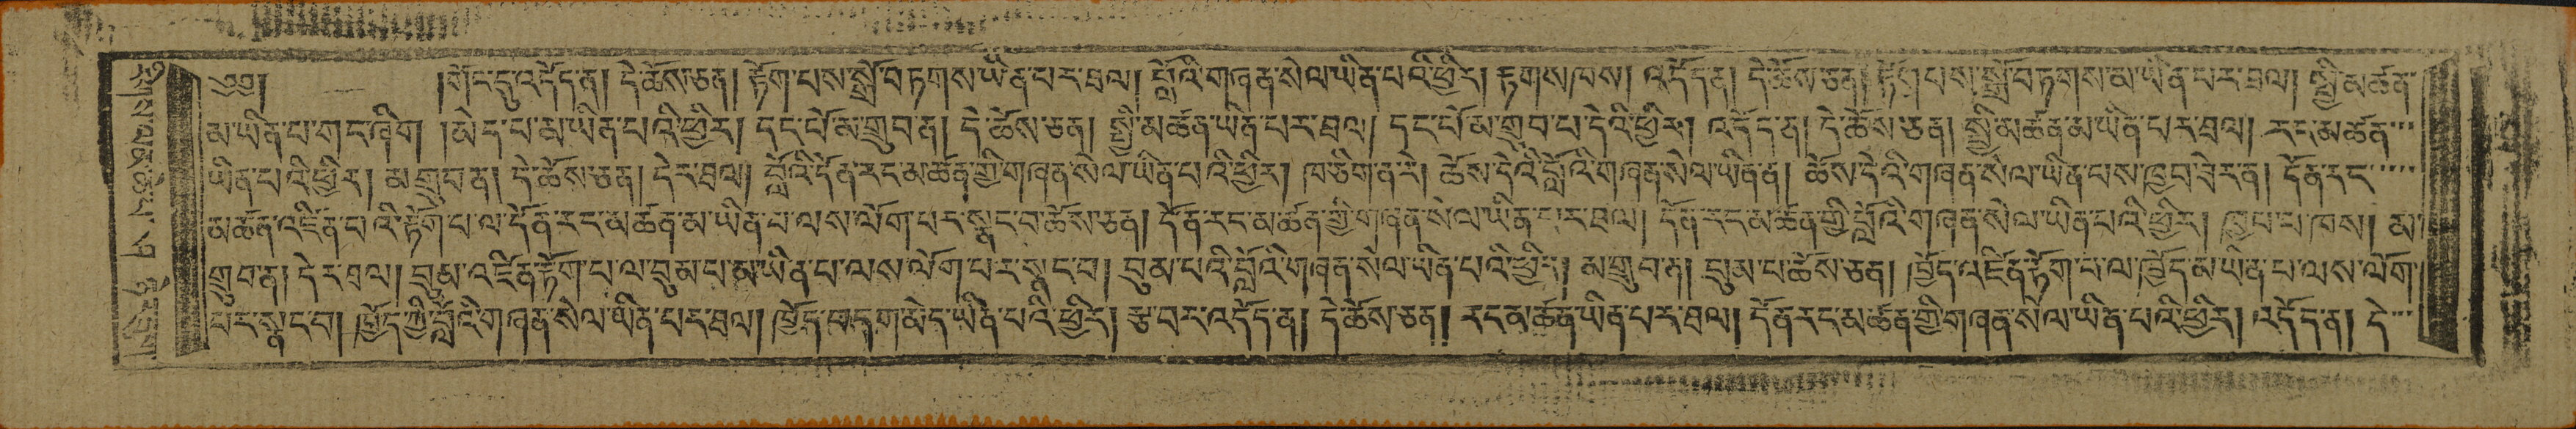༄༅། །གོང་དུ་འདོད་ན། དེ་ཆོས་ཅན། རྟོག་པས་སྒྲོ་བཏགས་ཡིན་པར་ཐལ། བློའི་གཞན་སེལ་ཡིན་པའི་ཕྱིར། རྟགས་ཁས། འདོད་ན། དེ་ཆོས་ཅན། རྟོག་པས་སྒྲོ་བཏགས་མ་ཡིན་པར་ཐལ། སྤྱི་མཚན་
མ་ཡིན་པ་གང་ཞིག །མེད་པ་མ་ཡིན་པའི་ཕྱིར། དང་པོ་མ་གྲུབ་ན། དེ་ཆོས་ཅན། སྤྱི་མཚན་ཡིན་པར་ཐལ། དང་པོ་མ་གྲུབ་པ་དེའི་ཕྱིར། འདོད་ན། དེ་ཆོས་ཅན། སྤྱི་མཚན་མ་ཡིན་པར་ཐལ། རང་མཚན་
ཡིན་པའི་ཕྱིར། མ་གྲུབ་ན། དེ་ཆོས་ཅན། དེར་ཐལ། བློའི་དོན་རང་མཚན་གྱི་གཞན་སེལ་ཡིན་པའི་ཕྱིར། ཁ་ཅིག་ན་རེ། ཆོས་དེའི་བློའི་གཞན་སེལ་ཡིན་ན། ཆོས་དེའི་གཞན་སེལ་ཡིན་པས་ཁྱབ་ཟེར་ན། དོན་རང་
མཚན་འཛིན་པའི་རྟོག་པ་ལ་དོན་རང་མཚན་མ་ཡིན་པ་ལས་ལོག་པར་སྣང་བ་ཆོས་ཅན། དོན་རང་མཚན་གྱི་གཞན་སེལ་ཡིན་པར་ཐལ། དོན་རང་མཚན་གྱི་བློའི་གཞན་སེལ་ཡིན་པའི་ཕྱིར། ཁྱབ་པ་ཁས། མ་
གྲུབ་ན། དེར་ཐལ། བུམ་འཛིན་རྟོག་པ་ལ་བུམ་པ་མ་ཡིན་པ་ལས་ལོག་པར་སྣང་བ། བུམ་པའི་བློའི་གཞན་སེལ་ཡིན་པའི་ཕྱིར། མ་གྲུབ་ན། བུམ་པ་ཆོས་ཅན། ཁྱོད་འཛིན་རྟོག་པ་ལ་ཁྱོད་མ་ཡིན་པ་ལས་ལོག་
པར་སྣང་བ། ཁྱོད་ཀྱི་བློའི་གཞན་སེལ་ཡིན་པར་ཐལ། ཁྱོད་བདག་མེད་ཡིན་པའི་ཕྱིར། རྩ་བར་འདོད་ན། དེ་ཆོས་ཅན། རང་མཚན་ཡིན་པར་ཐལ། དོན་རང་མཚན་གྱི་གཞན་སེལ་ཡིན་པའི་ཕྱིར། འདོད་ན། དེ་